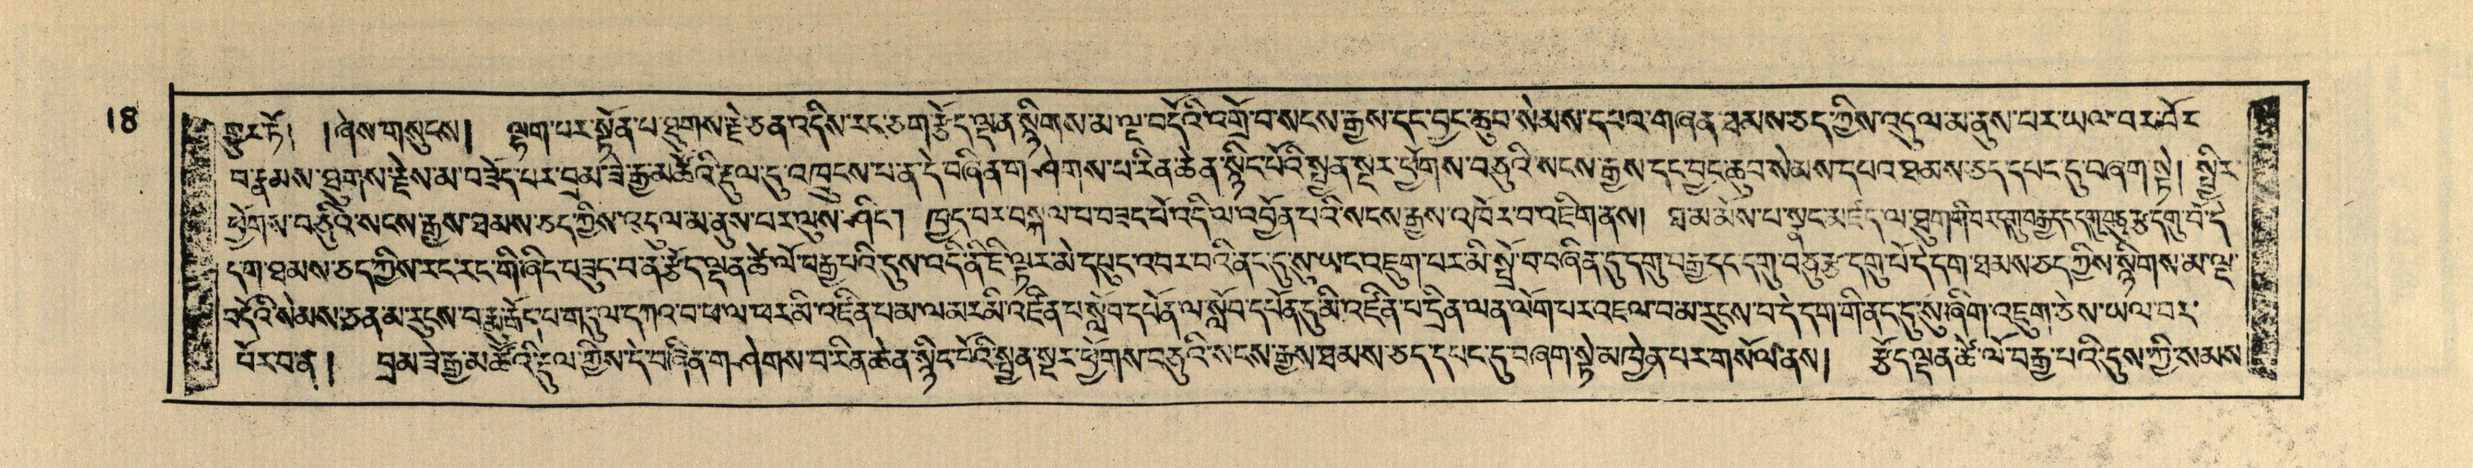གྱུར་ཏོ། །ཞེས་གསུངས། ལྷག་པར་སྟོན་པ་ཐུགས་རྗེ་ཅན་འདིས་རང་ཅག་རྩོད་ལྡན་སྙིགས་མ་ལྔ་བདོའི་འགྲོ་བ་སངས་རྒྱས་དང་བྱང་ཆུབ་སེམས་དཔའ་གཞན་ཐམས་ཅད་ཀྱིས་འདུལ་མ་ནུས་པར་ཡལ་བར་བོར་
བ་རྣམས་ཐུགས་རྗེས་མ་བཟོད་པར་བྲམ་ཟེ་རྒྱ་མཚོའི་རྡུལ་དུ་འཁྲུངས་པ་ན་དེ་བཞིན་གཤེགས་པ་རིན་ཆེན་སྙིང་པོའི་སྤྱན་སྔར་ཕྱོགས་བཅུའི་སངས་རྒྱས་དང་བྱང་ཆུབ་སེམས་དཔའ་ཐམས་ཅད་དཔང་དུ་བཞག་སྟེ། སྤྱིར་
ཕྱོགས་བཅུའི་སངས་རྒྱས་ཐམས་ཅད་ཀྱིས་འདུལ་མ་ནུས་པར་ལུས་ཤིང་། ཁྱད་པར་བསྐལ་བ་བཟང་པོ་འདི་ལ་འབྱོན་པའི་སངས་རྒྱས་འཁོར་བ་འཇིག་ནས། ཐ་མ་མོས་པ་སྣང་མཛད་ལ་ཐུག་གི་བར་དགུ་བརྒྱ་དང་དགུ་བཅུ་རྩ་དགུ་བོ་དེ་
དག་ཐམས་ཅད་ཀྱིས་རང་རང་གི་ཞིང་བཟུང་བ་ན་རྩོད་ལྡན་ཚེ་ལོ་བརྒྱ་པའི་དུས་འདི་ནི་ཇི་ལྟར་མེ་དཔུང་འབར་བའི་ནང་དུ་སུ་ཡང་འཇུག་པར་མི་སྤྲོ་བ་བཞིན་དུ་དགུ་བརྒྱ་དང་དགུ་བཅུ་རྩ་དགུ་པོ་དེ་དག་ཐམས་ཅད་ཀྱིས་སྙིགས་མ་ལྔ་
བདོའི་སེམས་ཅན་མ་རུངས་བ་རྨུ་རྒོད་པ་གདུལ་དཀའ་བ་ཕ་ལ་ཕར་མི་འཛིན་པ་མ་ལ་མར་མི་འཛིན་པ་སློབ་དཔོན་ལ་སློབ་དཔོན་དུ་མི་འཛིན་པ་དྲིན་ལན་ལོག་པར་འཇལ་བ་མ་རུངས་བ་དེ་དག་གི་ནང་དུ་སུ་ཞིག་འཇུག་ཅེས་ཡལ་བར་
པོར་བ་ན། བྲམ་ཟེ་རྒྱ་མཚོའི་རྡུལ་གྱིས་དེ་བཞིན་གཤེགས་བ་རིན་ཆེན་སྙིང་བོའི་སྤྱན་སྔར་ཕྱོགས་བཅུའི་སངས་རྒྱས་ཐམས་ཅད་དཔང་དུ་བཞག་སྟེ་མཁྱེན་པར་གསོལ་ནས། རྩོད་ལྡན་ཚེ་ལོ་བརྒྱ་པའི་དུས་ཀྱི་སམས་